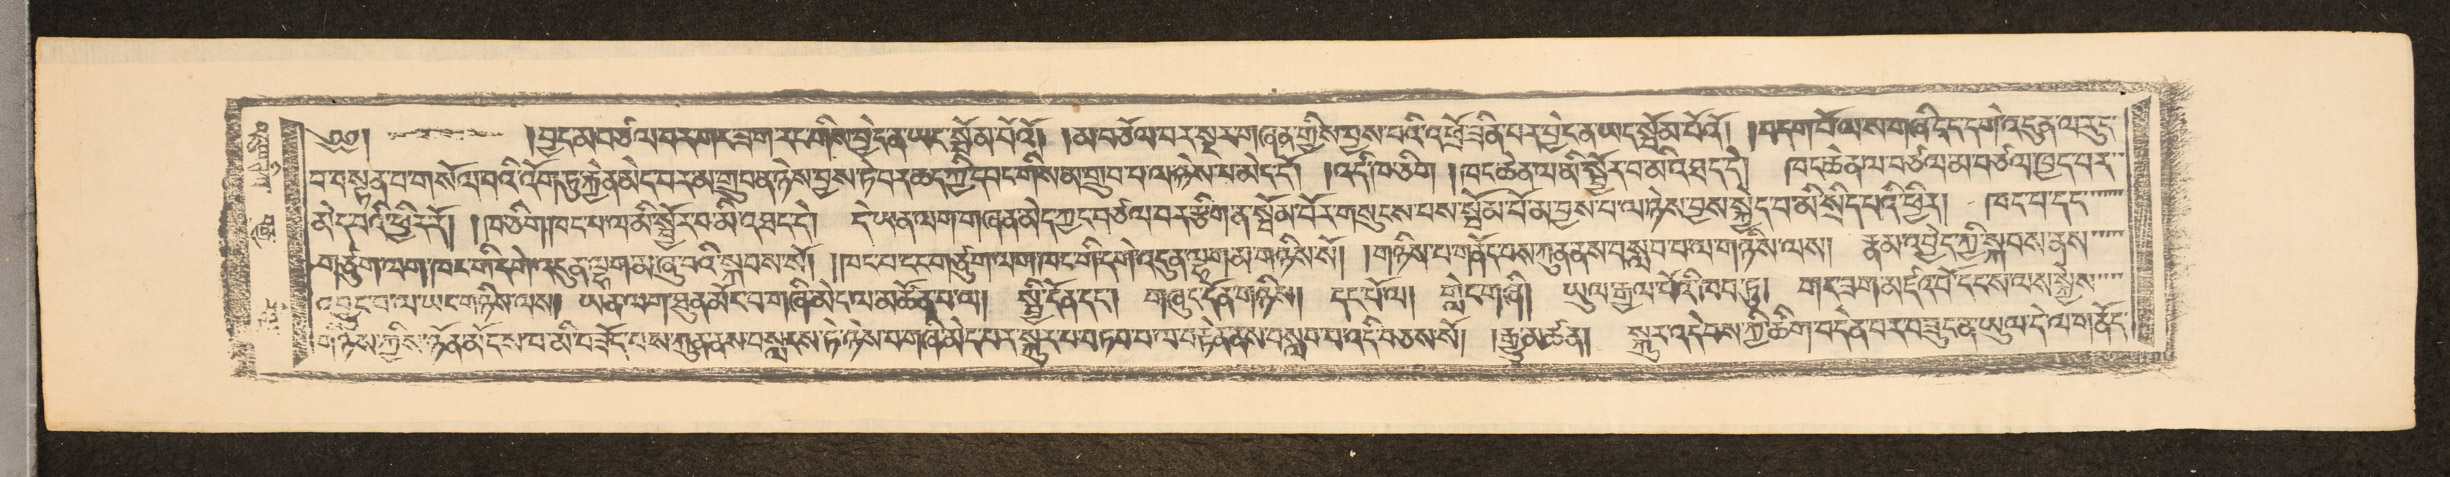༄༅། །བྱད་མ་བཙལ་བར་གང་ཟག་རང་གིས་བྱེད་ན་ཡང་སྦོམ་པོའོ། །མ་བཅོལ་བར་སྔར་གཞན་གྱིས་བྱས་པའི་འཕྲོ་ཟིན་པར་བྱེད་ན་ཡང་སྦོམ་པོའོ། །བདག་པོ་ལས་གཞི་དང་དགེ་འདུན་ལ་རུང་
བ་བསྟན་པ་གསོལ་བའི་འོག་ཏུ་རྐྱེན་མེད་པར་མ་གྲུབ་ན་ཉེས་བྱས་ཏེ་བར་ཆད་ཀྱི་དབང་གིས་མ་གྲུབ་པ་ལ་ཉེས་པ་མེད་དོ། །འདི་ཁ་ཅིག །ཁང་ཆེན་ལ་མི་སྦྱོར་བ་མི་འཐད་དེ། ཁང་ཆེན་ལ་བཙལ་མ་བཙལ་ཁྱད་པར་
མེད་པའི་ཕྱིར་རོ། །ཁ་ཅིག་ཁང་པ་ལ་མི་སྦྱོར་བ་མི་འཐད་དེ། དེ་ཡན་ལག་གཞན་མེད་ཀྱང་བཙལ་བར་རྩིག་ན་སྦོམ་པོར་གསུངས་པས་སྦོམ་པོ་མ་བྱས་པ་ལ་ཉེས་བྱས་སྐྱེད་པ་མི་སྲིད་པའི་ཕྱིར། ཁང་པ་དང་
གཙུག་ལག་ཁང་གི་དགེ་འདུན་ལྷག་མ་ཞུ་བའི་སྐབས་སོ། །ཁང་པ་དང་གཙུག་ལག་ཁང་གི་དགེ་འདུན་ལྷག་མ་གཉིས་སོ། །གཉིས་པ་གནོད་པས་ཀུན་ནས་བསླང་བ་ལ་གཉིས་ལས། རྣམ་འབྱེད་ཀྱི་སྐབས་ནས་
འབྱུང་བ་ལ་ཡང་གཉིས་ལས། ཡན་ལག་ཐུན་མོང་བ་གཞི་མེད་ལ་མཚོན་པ་ལ། སྤྱི་དོན་དང་། གཞུང་དོན་གཉིས། དང་པོ་ལ། གླེང་གཞི། ཡུལ་རྒྱལ་པོའི་ཁབ་ཏུ། གང་ཟག་མཛའ་བོ་དང་ས་ལས་སྐྱེས་
གཉིས་ཀྱིས་ཉོན་མོངས་པ་མི་བཟོད་པས་ཀུན་ནས་བསླངས་ཏེ་ཉེས་པ་གཞི་མེད་པར་སྐུར་བ་བཏབ་པ་ལ་བརྟེན་ནས་བསླབ་པ་འདི་བཅས་སོ། །རྒྱུ་མཚན། སྐུར་འདེབས་ཀྱི་ཚིག་བདེན་པར་བཟུང་ན་ཡུལ་དེ་ལ་གནོད་